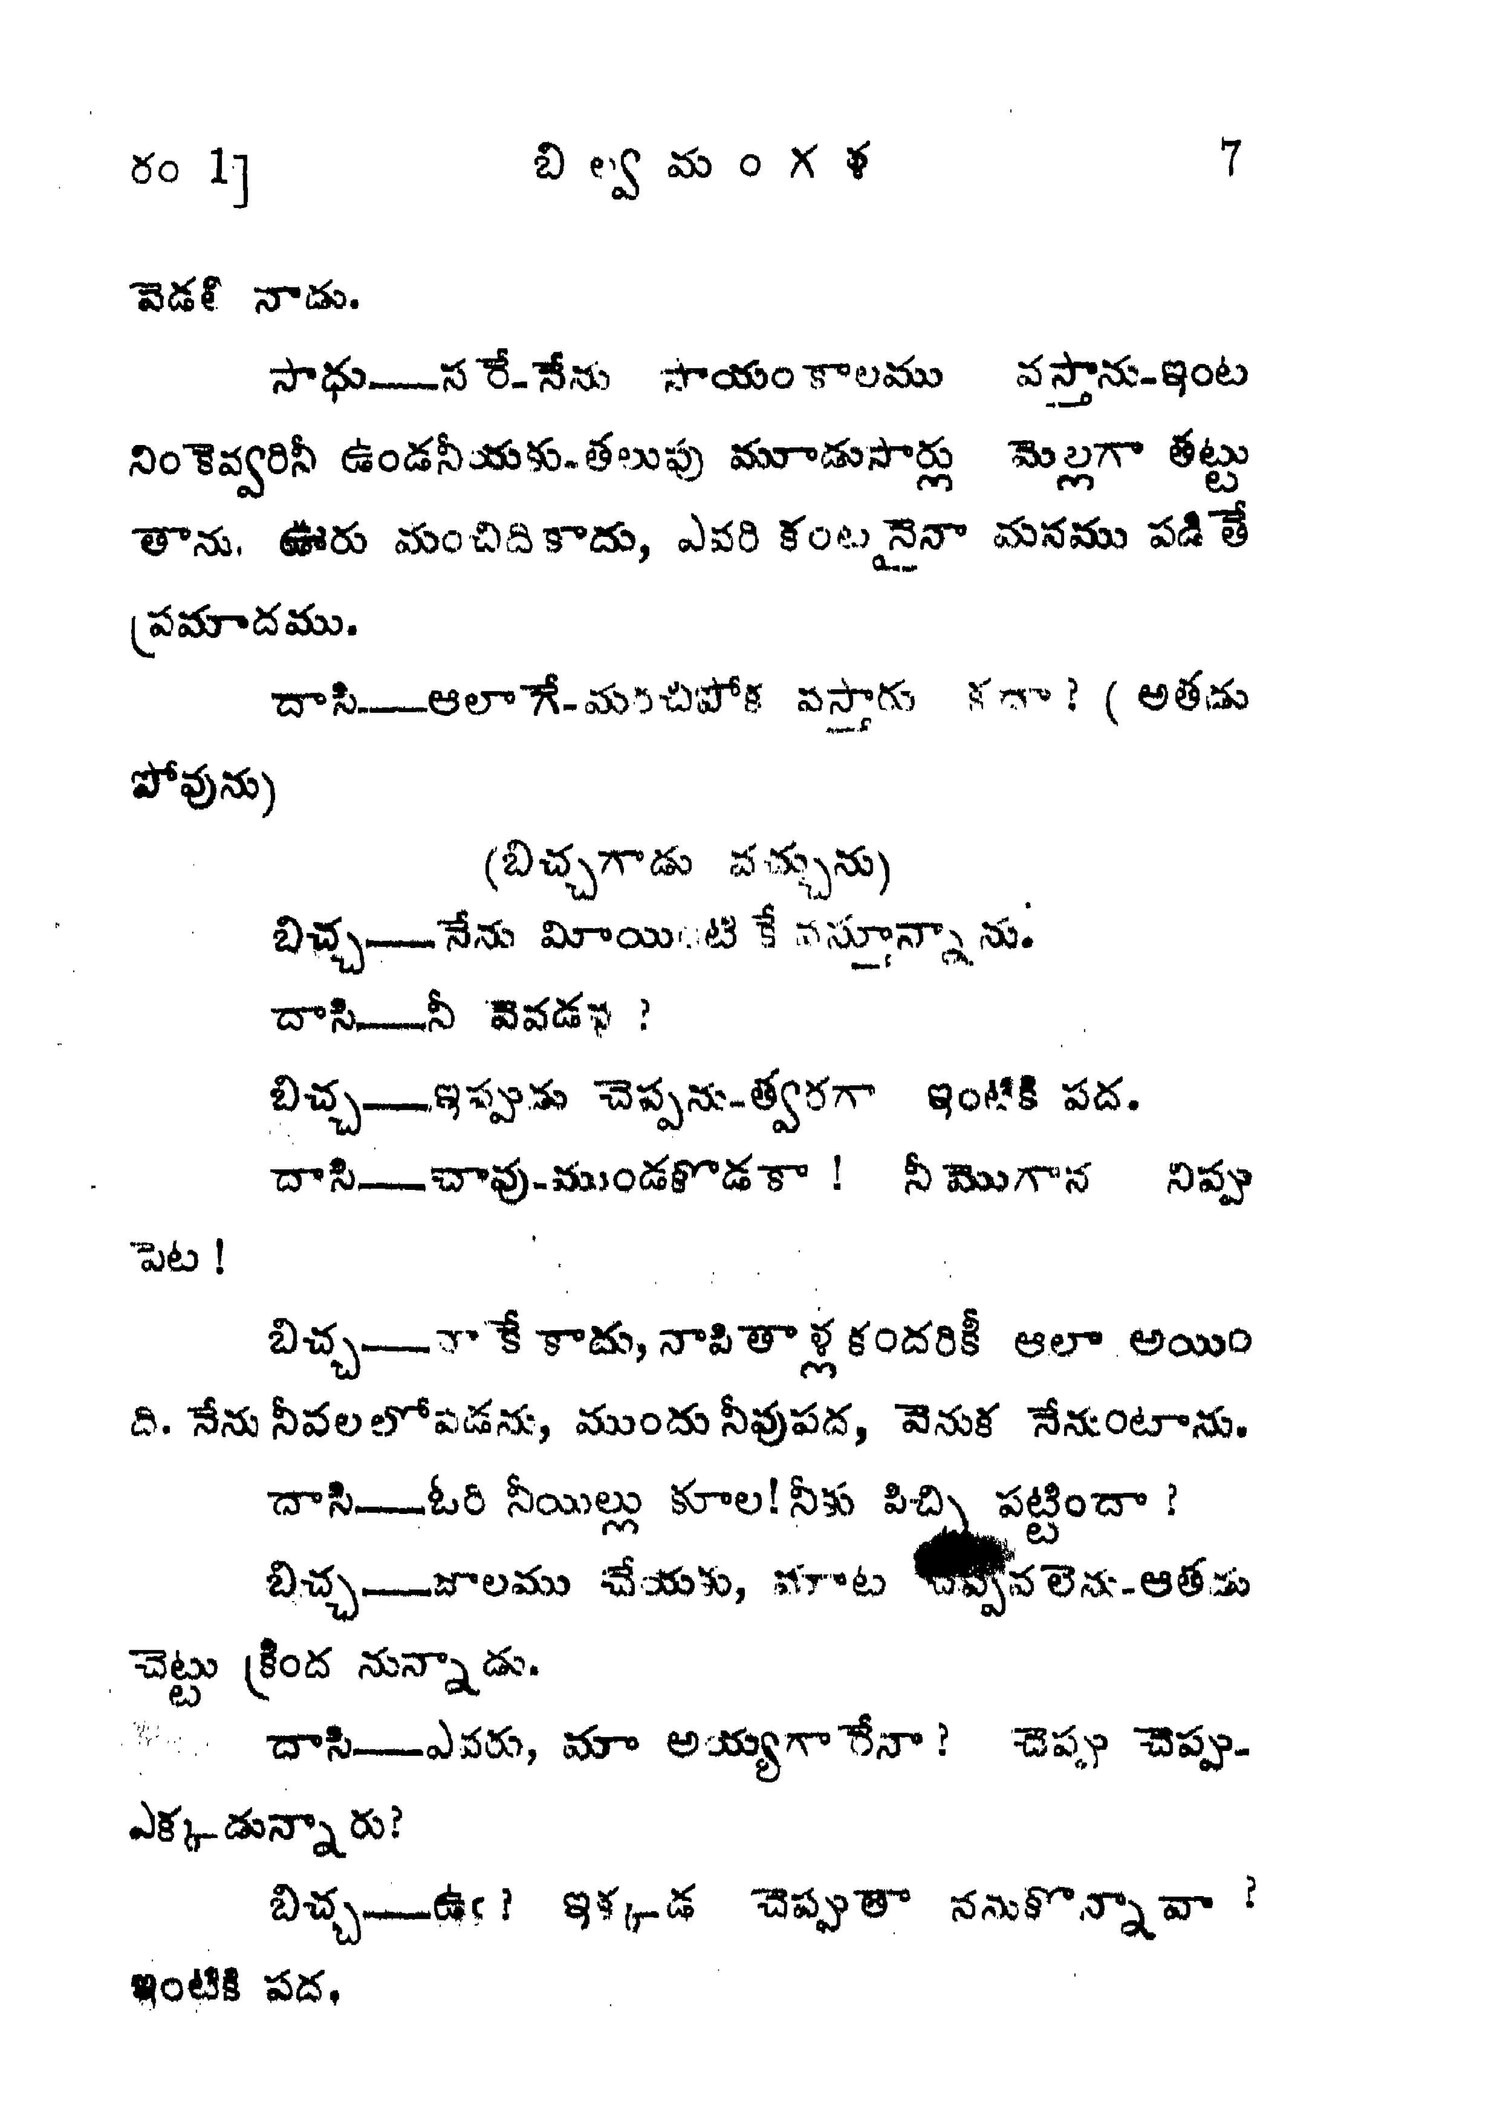వెడలి నాడు.

సాధు - సరే - నేను సాయంకాలము వస్తాను - ఇంట నింకెవ్వరినీ ఉండనీయకు - తలుపు మూడుసార్లు మెల్లగా తట్టుతాను. ఊరు మంచిదికాదు, ఎవరి కంటనైనా మనము పడితే ప్రమాదము.

దాసి - ఆలాగే - మరచిపోక వస్తారు కదా! (అతడు పోవును)

బిచ్చ - నేను మీయింటి కే వస్తూన్నాను.

దాసి - నీ వెవడవు?

బిచ్చ - ఇప్పుడు చెప్పను - త్వరగా ఇంటికి పద.

దాసి - చావు - ముండకొడకా! నీ మొగాన నిప్పు పెట!

బిచ్చ - నాకే కాదు, నాపితాళ్లకందరికీ అలా అయింది. నేను నీవలలోపడను, ముందు నీవుపద, వెనుక నేనుంటాను.

దాసి _ ఓరి నీయిల్లు కూల! నీకు పిచ్చి పట్టిందా?

బిచ్చ - జాలము చేయకు, మాట చెప్పవలెను - ఆతడు చెట్టు క్రింద నున్నాడు.

దాసి _ ఎవరు, మా అయ్యగారేనా? చెప్పు చెప్పు - ఎక్కడున్నారు?

బిచ్చ - ఉఁ ? ఇక్కడ చెప్పుతా ననుకొన్నావా ? ఇంటికి పద.